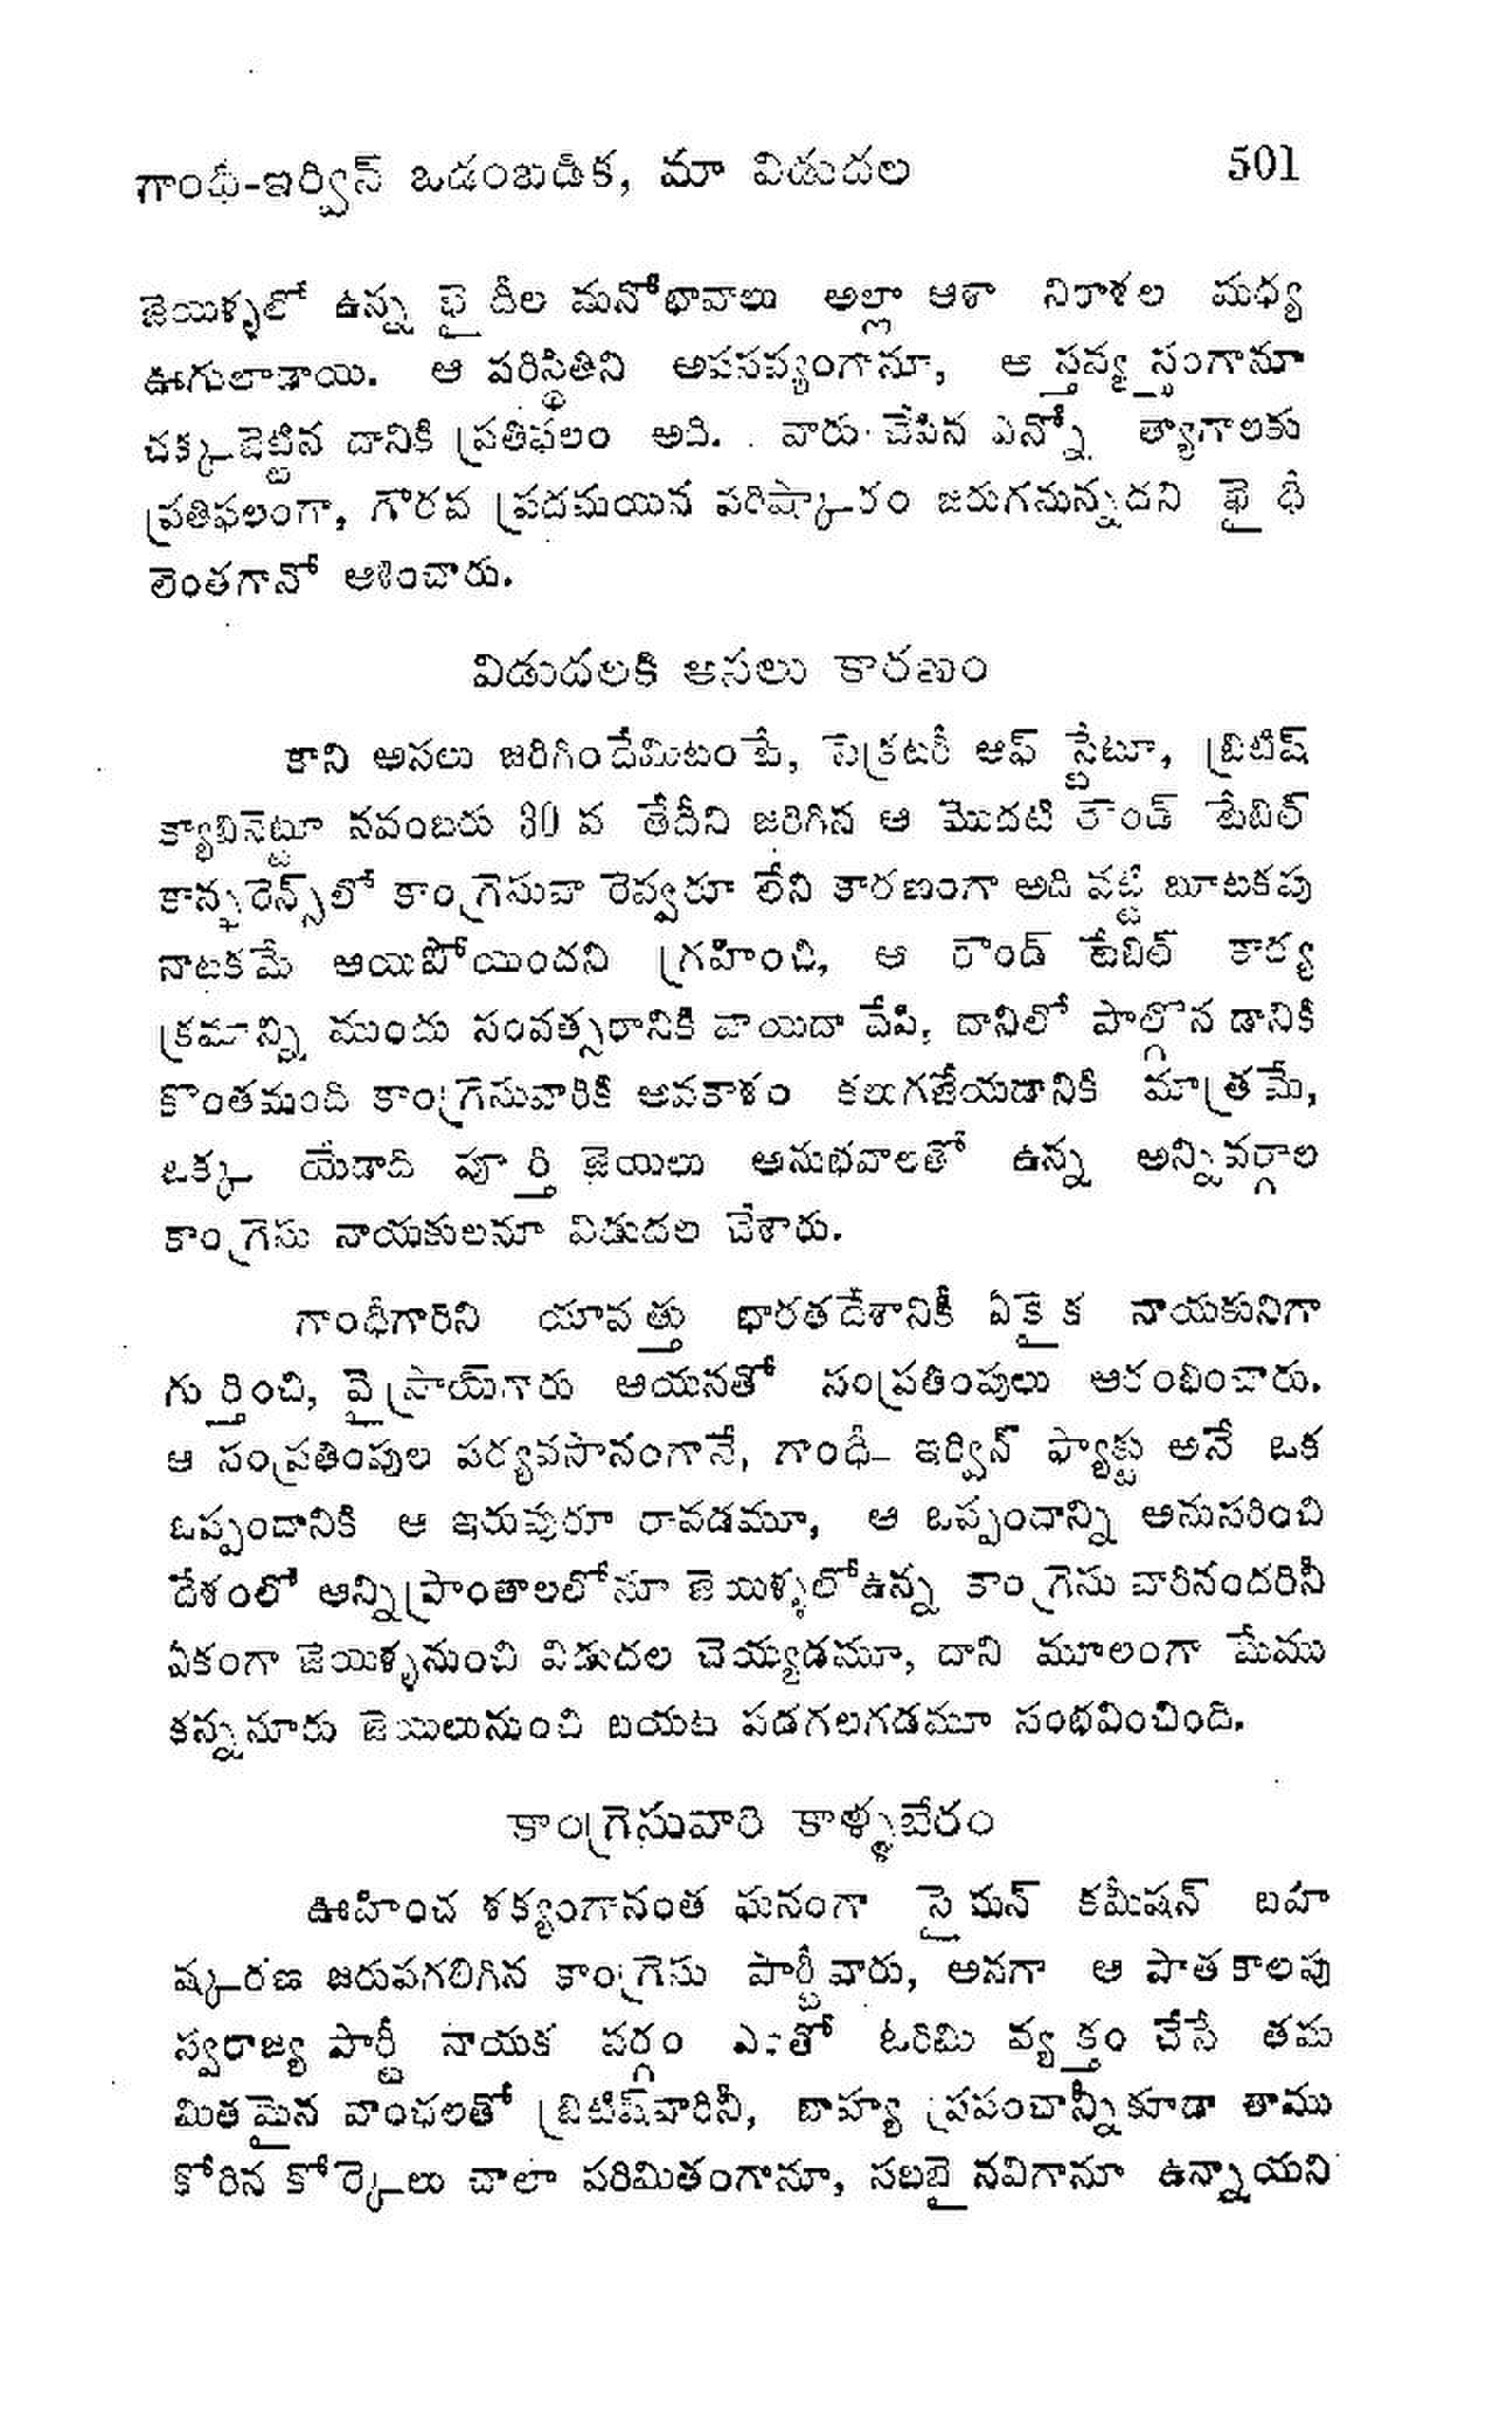జెయిళ్ళలో ఉన్న ఖైదీల మనోభావాలు అల్లా ఆశా నిరాశల మధ్య ఊగులాడాయి. ఆ పరిస్థితిని అపసవ్యంగానూ, అస్తవ్యస్తంగానూ చక్కబెట్టిన దానికి ప్రతిఫలం అది. వారు చేసిన ఎన్నో త్యాగాలకు ప్రతిఫలంగా, గౌరవ ప్రదమయిన పరిష్కారం జరుగనున్నదని ఖైదీ లెంతగానో ఆశించారు.

కాని అసలు జరిగిందేమిటంటే, సెక్రటరీ ఆఫ్ స్టేటూ, బ్రిటిష్ క్యాబినెట్టూ నవంబరు 30 వ తేదీని జరిగిన ఆ మొదటి రౌండ్ టేబిల్ కాన్ఫరెన్స్‌లో కాంగ్రెసువా రెవ్వరూ లేని కారణంగా అది వట్టి బూటకపు నాటకమే అయిపోయిందని గ్రహించి, ఆ రౌండ్ టేబిల్ కార్యక్రమాన్ని ముందు సంవత్సరానికి వాయిదా వేసి, దానిలో పాల్గొనడానికి కొంతమంది కాంగ్రెసువారికి అవకాశం కలుగజేయడానికి మాత్రమే, ఒక్క యేడాది పూర్తి జెయిలు అనుభవాలతో ఉన్న అన్నివర్గాల కాంగ్రెసు నాయకులనూ విడుదల చేశారు.

గాంధీగారిని యావత్తు భారతదేశానికీ ఏకైక నాయకునిగా గుర్తించి, వైస్రాయ్‌గారు ఆయనతో సంప్రతింపులు ఆరంభించారు. ఆ సంప్రతింపుల పర్యవసానంగానే, గాంధీ - ఇర్విన్ ఫ్యాక్టు అనే ఒక ఒప్పందానికి ఆ ఇరువురూ రావడమూ, ఆ ఒప్పందాన్ని అనుసరించి దేశంలో అన్నిప్రాంతాలలోనూ జెయిళ్ళలోఉన్న కాంగ్రెసు వారినందరినీ ఏకంగా జెయిళ్ళనుంచి విడుదల చెయ్యడమూ, దాని మూలంగా మేము కన్ననూరు జెయిలునుంచి బయట పడగలగడమూ సంభవించింది.

ఊహించ శక్యంగానంత ఘనంగా సైమన్ కమీషన్ బహిష్కరణ జరుపగలిగిన కాంగ్రెసు పార్టీవారు, అనగా ఆ పాతకాలపు స్వరాజ్య పార్టీ నాయక వర్గం ఎంతో ఓరిమి వ్యక్తం చేసే తమ మితమైన వాంఛలతో బ్రిటిష్‌వారినీ, బాహ్య ప్రపంచాన్నీకూడా తాము కోరిన కోర్కెలు చాలా పరిమితంగానూ, సబబైనవిగానూ ఉన్నాయని